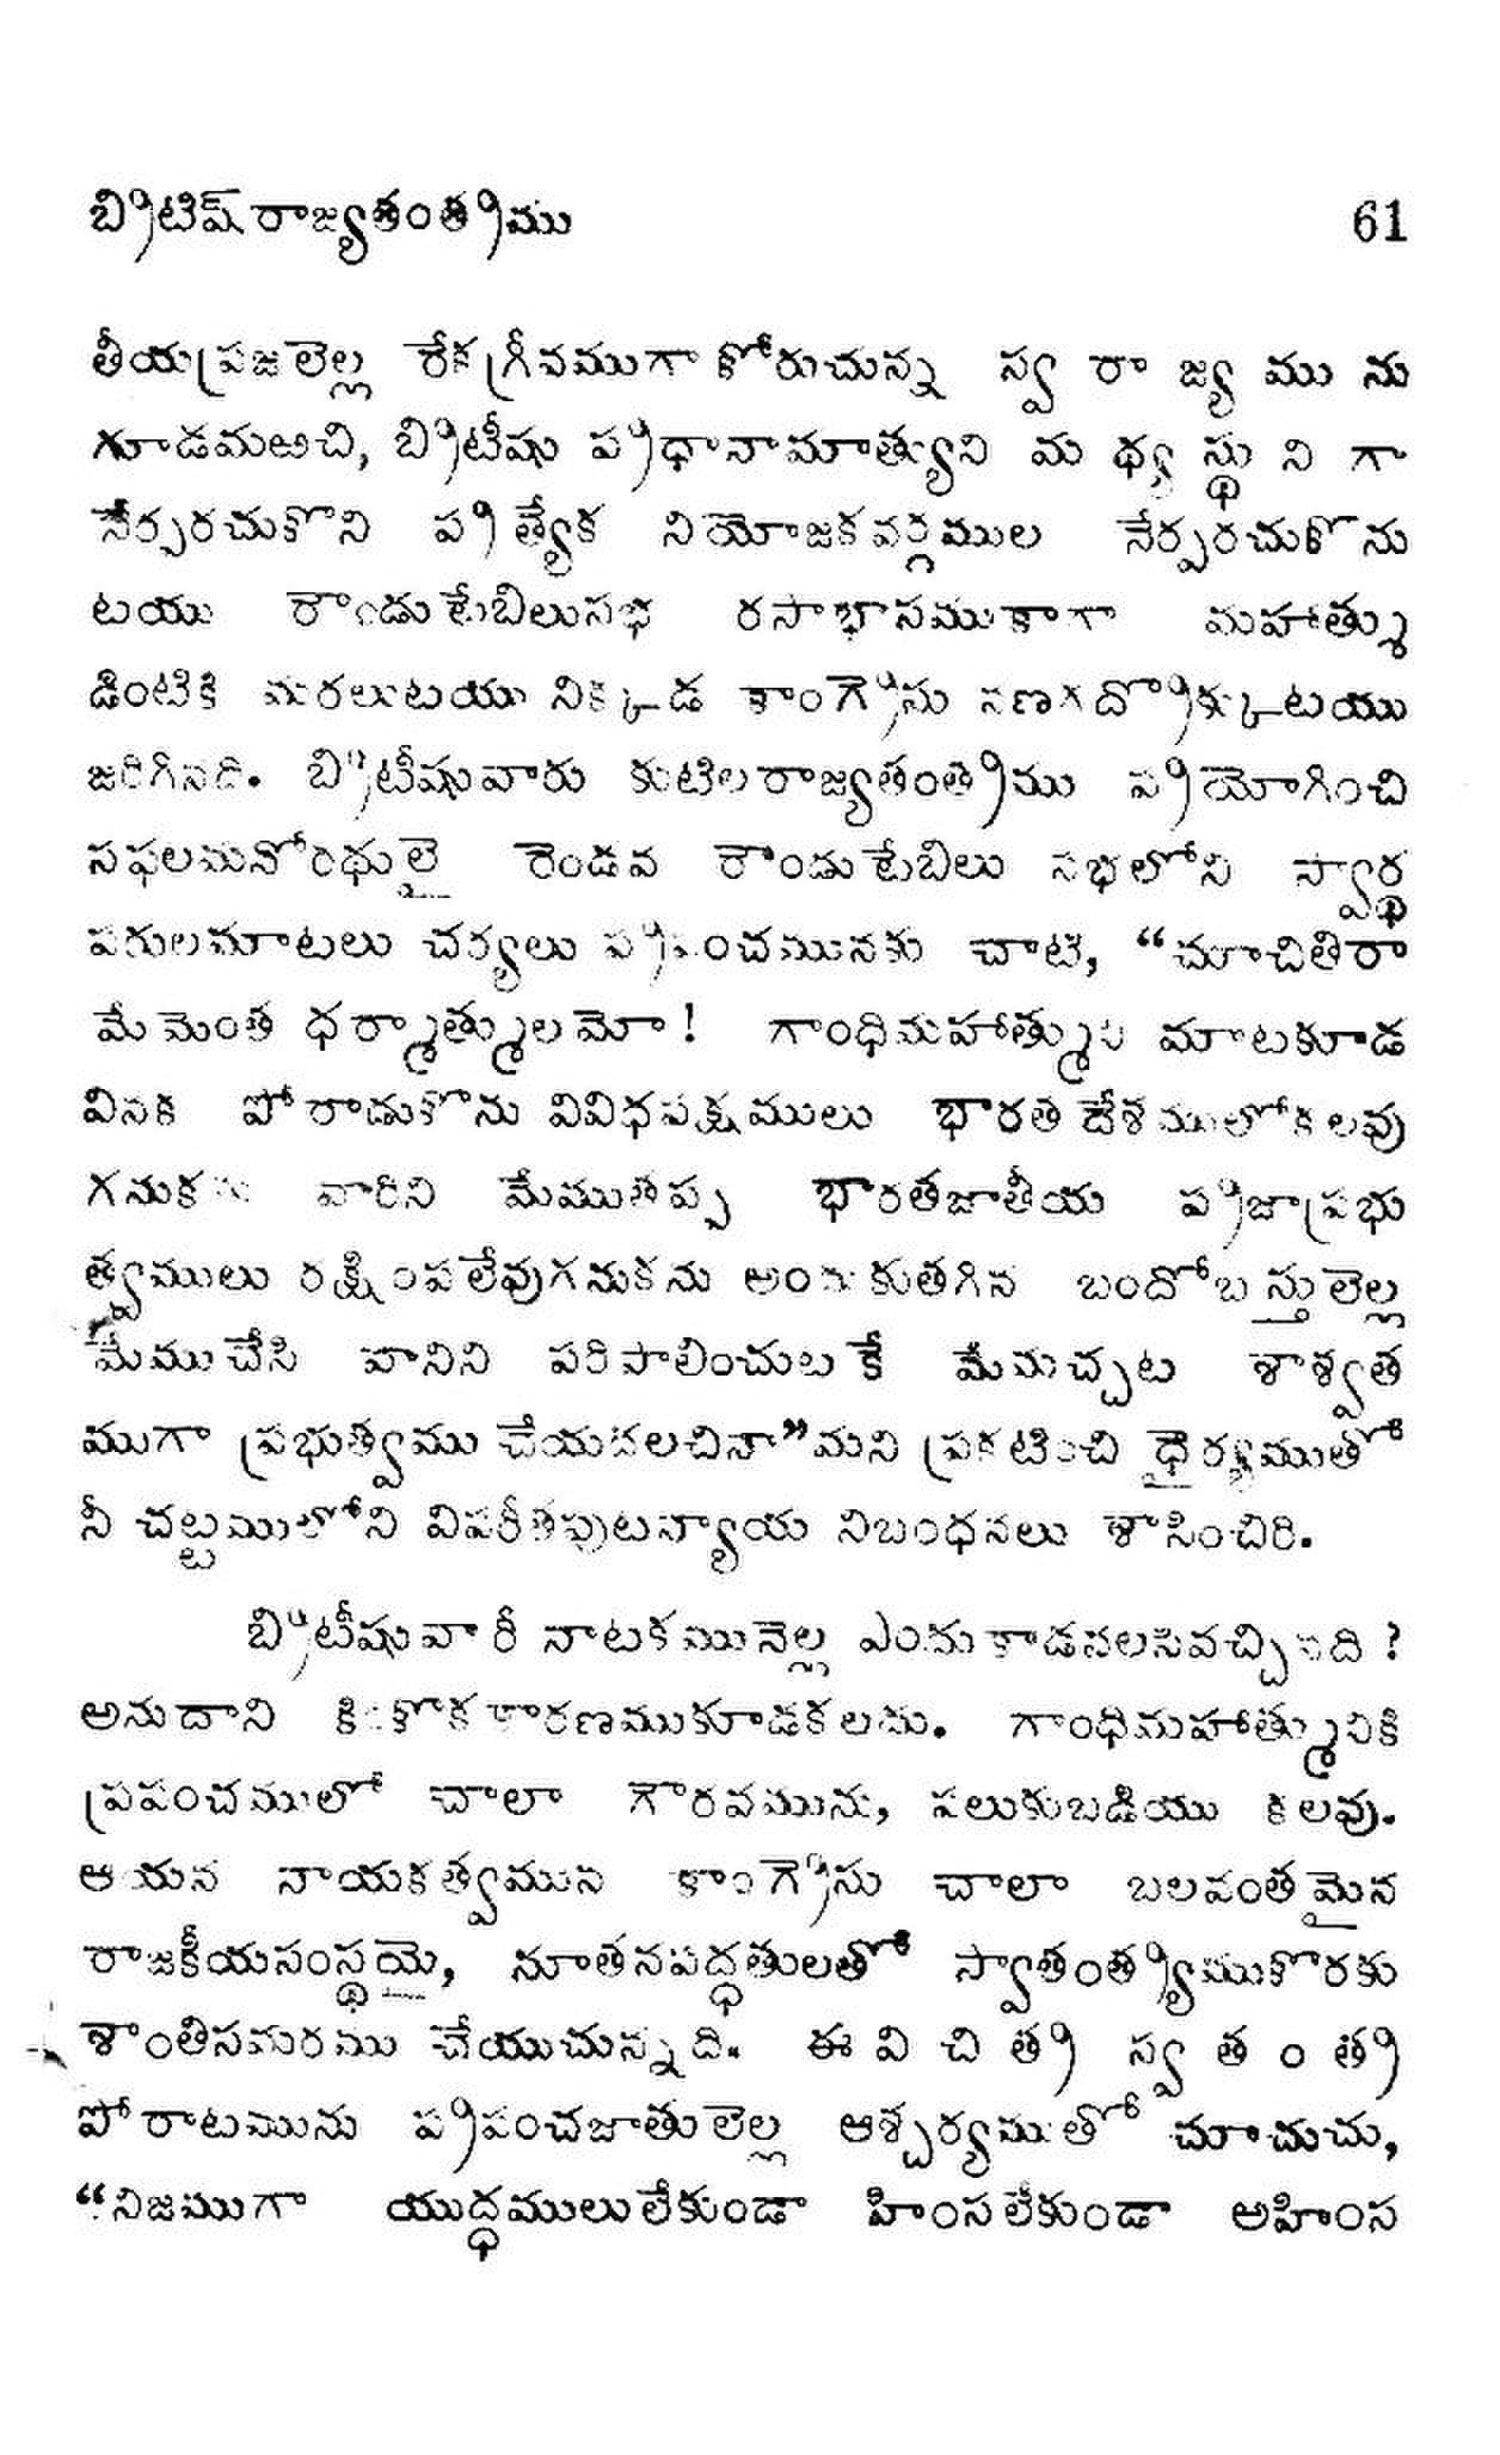తీయప్రజలెల్ల రేకగ్రీవముగా కోరుచున్న స్వరాజ్యమును గూడమఱచి, బ్రిటీషు ప్రధానామాత్యుని మధ్యస్థునిగా నేర్పరచుకొని ప్రత్యేక నియోజకవర్గముల నేర్పరచుకొనుటయు రౌండుటేబిలుసభ రసాభాసముకాగా మహాత్ముడింటికి మరలుటయు నిక్కడ కాంగ్రెసు నణగద్రొక్కుటయు జరిగినది. బ్రిటీషువారు కుటిలరాజ్యతంత్రము ప్రయోగించి సఫలమనోరథులై రెండవ రౌండుటేబిలు సభలోని స్వార్థపరులమాటలు చర్యలు ప్రపంచమునకు చాటి, “చూచితిరా
మేమెంత ధర్మాత్ములమో! గాంధిమహాత్ముని మాటకూడ వినక పోరాడుకొను వివిధపక్షములు భారతదేశములోకలవు గనుకను వారిని మేము తప్ప భారతజాతీయ ప్రజాప్రభుత్వములు రక్షింపలేవు గనుకను అందుకుకుతగిన బందోబస్తు లెల్ల మేముచేసి వానిని పరిపాలించుటకే మేమచ్చట శాశ్వతముగా ప్రభుత్వము చేయదలచినా"మని ప్రకటించి ధైర్యముతో నీ చట్టములోని విపరీతపుపుటన్యాయ నిబంధనలు శాసించిరి.

బిటీషువారీ నాటకమునెల్ల ఎందు కాడవలసివచ్చినది? అనుదాని కింకొకకారణముకూడకలదు. గాంధిమహాత్మునికి ప్రపంచములో చాలా గౌరవమును, పలుకుబడియు కలవు. ఆయన నాయకత్వమున కాంగ్రెసు చాలా బలవంతమైన రాజకీయసంస్థయై, నూతనపద్ధతులతో స్వాతంత్ర్యముకొరకు శాంతిసమరము చేయుచున్నది. ఈవిచిత్ర స్వతంత్ర పోరాటమును ప్రపంచజాతులెల్ల ఆశ్చర్యముతో చూచుచు, “ నిజముగా యుద్ధములులేకుండా హింసలేకుండా అహింస